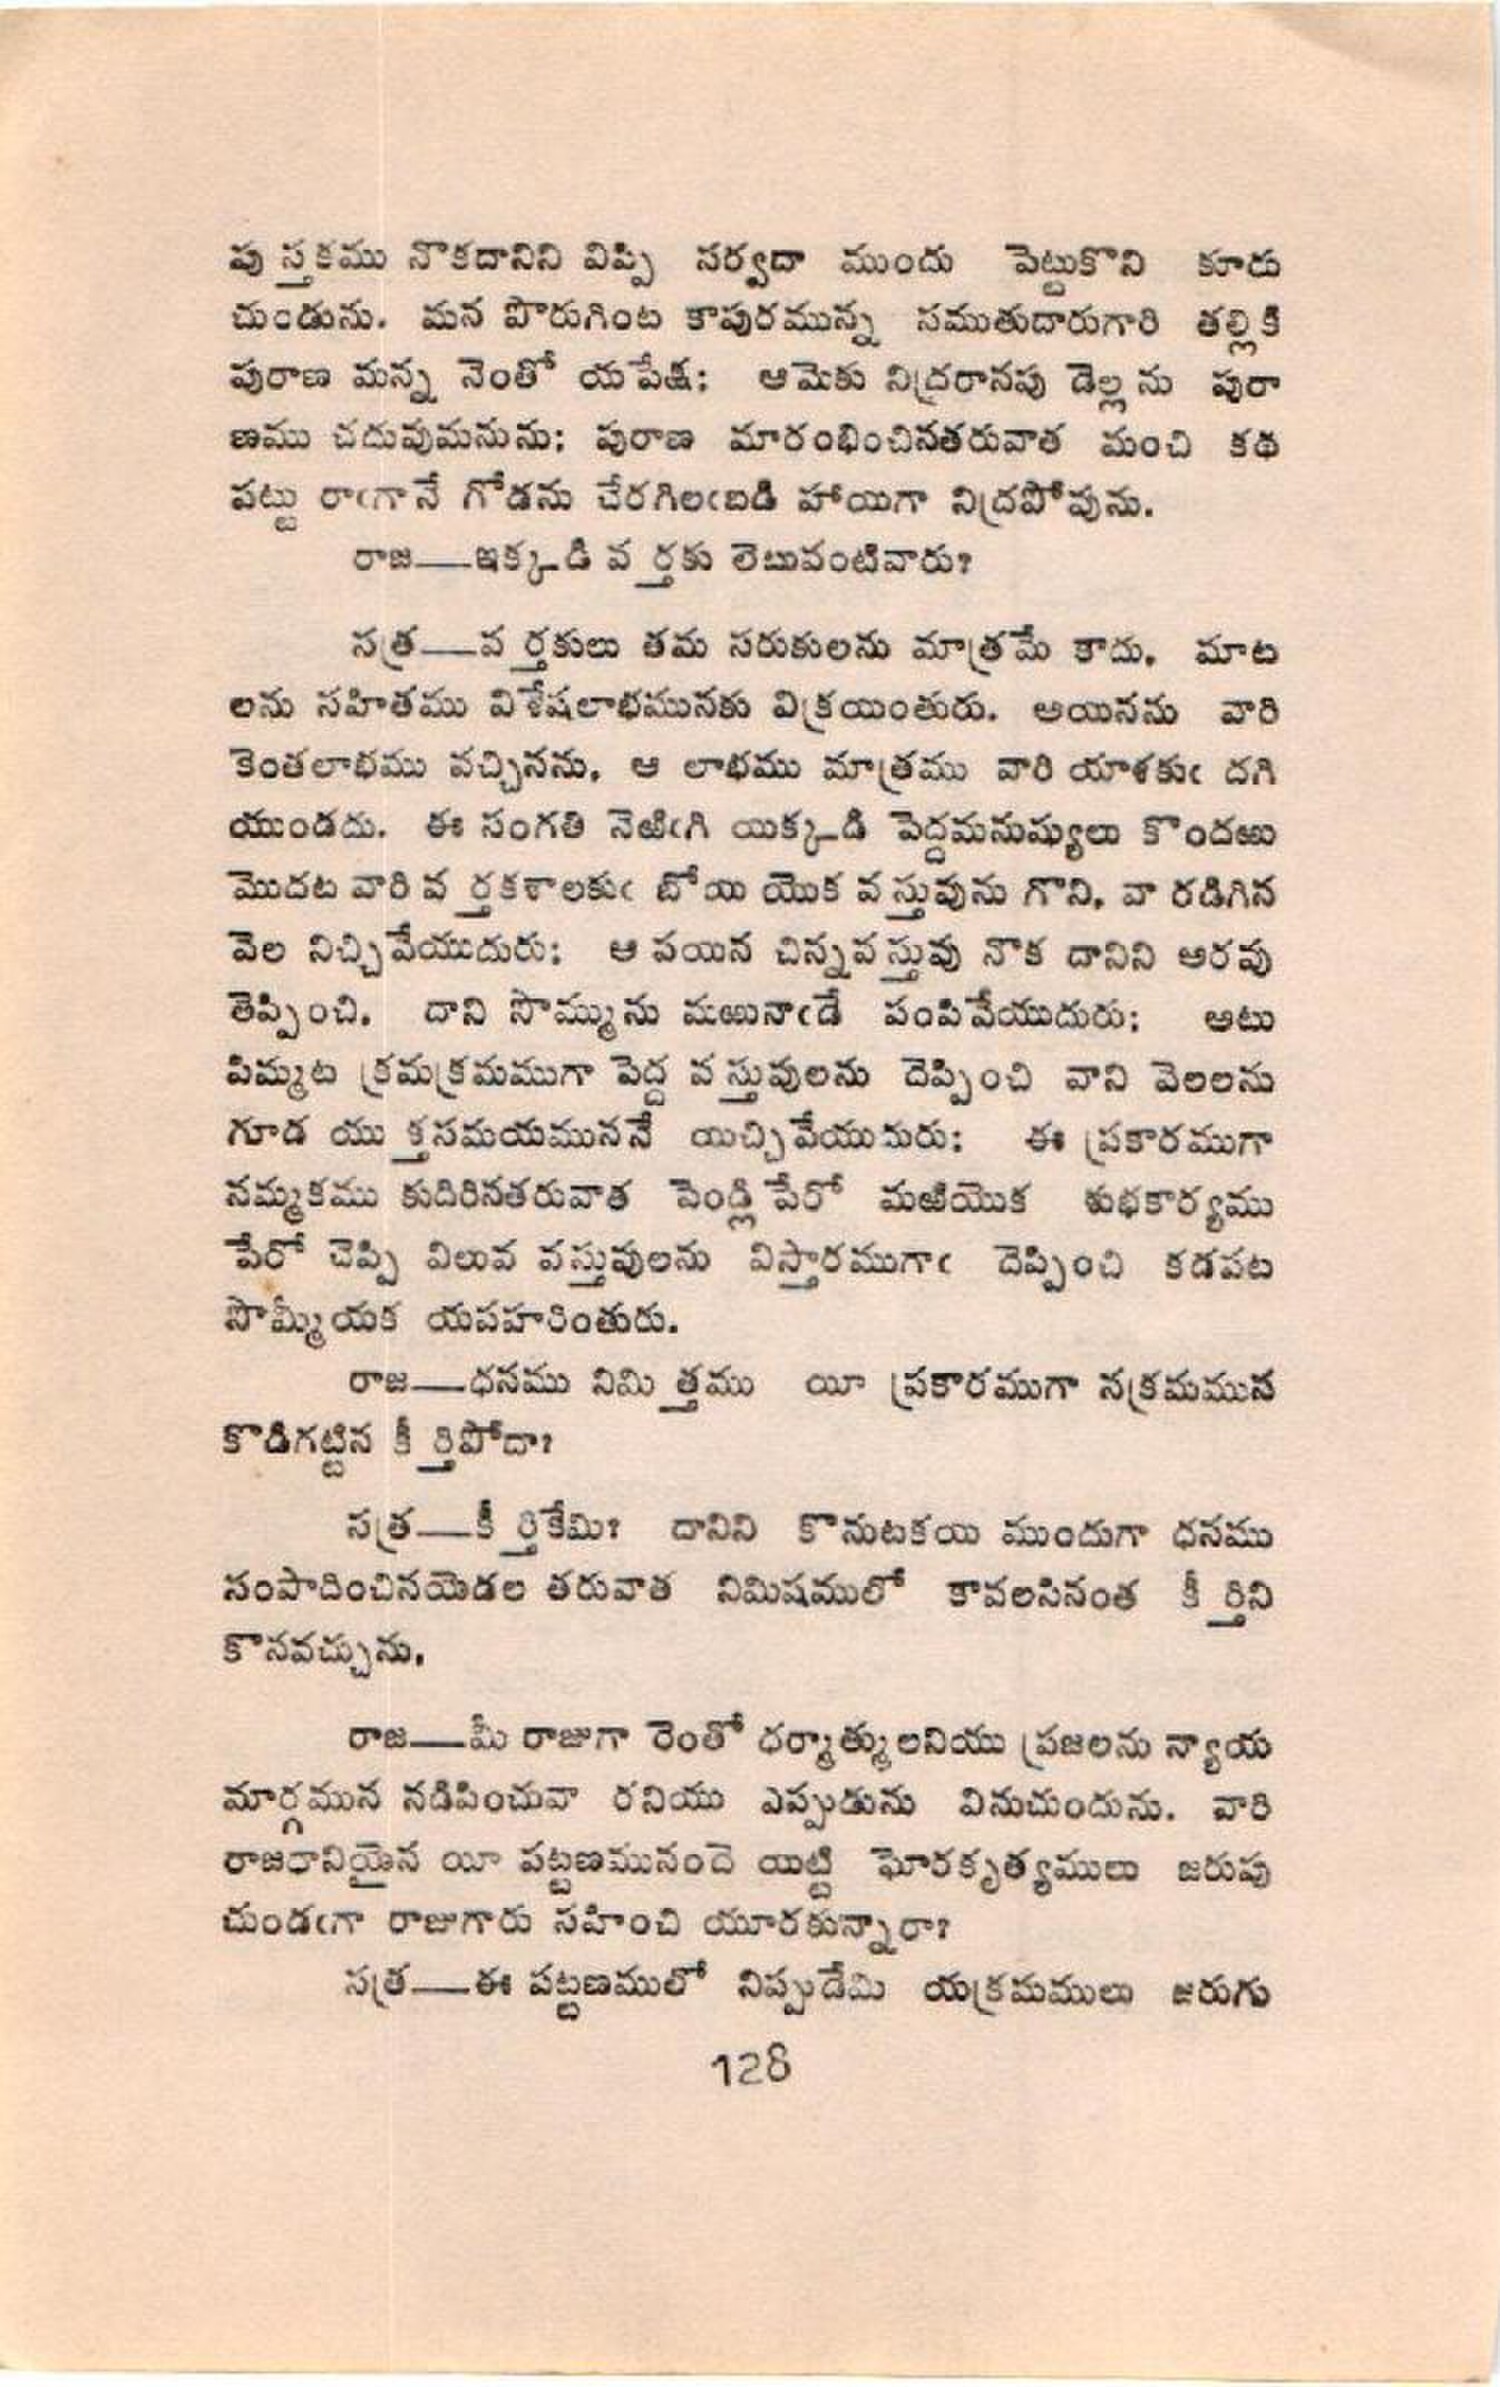పుస్తకము నొకదానిని విప్పి సర్వదా ముందు పెట్టుకొని కూరు
చుండును. మన పొరుగింట కాపురమున్న సముతుదారుగారి తల్లికి
పురాణ మన్న నెంతో యపేక్ష; ఆమెకు నిద్రరానపు డెల్లను పురా
ణము చదువమనును; పురాణ మారంభించినతరువాత మంచి కథ
పట్టు రాఁగానే గోడను చేరగిలబడి హాయిగా నిద్రపోవును.

రాజ__ఇక్కడి వర్తకు లెటువంటివారు ?

సత్ర__వర్తకులు తమ సరుకులను మాత్రమే కాదు, మాట లను సహితము విశేషలాభమునకు విక్రయింతురు. అయినను వారి కెంతలాభము వచ్చినను, ఆ లాభము మాత్రము వారి యాశకుఁ దగి యుండదు. ఈ సంగతి నెఱిగి యిక్కడి పెద్దమనుష్యులు కొందఱు మొదట వారి వర్తకశాలకుఁ బోయి యొక వస్తువును గొని, వారడిగిన వెల నిచ్చివేయుదురు; ఆ పయిన చిన్నవస్తువు నొక దానిని ఆరవు తెప్పించి, దాని సొమ్మును మఱునాఁడే పంపివేయుదురు; అటు పిమ్మట క్రమక్రమముగా పెద్ద వస్తువులను దెప్పించి వాని వెలలను గూడ యు క్తసమయముననే యిచ్చివేయుదురు; ఈ ప్రకారముగా నమ్మకము కుదిరినతరువాత పెండ్లి పేరో మఱియొక శుభకార్యము పేరో చెప్పి విలువ వస్తువులను విస్తారముగాఁ దెప్పించి కడపట సొమ్మీయక యపహరింతురు.

రాజ__ధనము నిమిత్తము యీ ప్రకారముగా నక్రమమున కొడిగట్టిన కీర్తిపోదా?

సత్ర__కీర్తి కేమి? దానిని కొనుటకయి ముందుగా ధనము సంపాదించిన యెడల తరువాత నిమిషములో కావలసినంత కీర్తిని కొనవచ్చును.

రాజ__మీ రాజుగా రెంతో ధర్మాత్ములనియు ప్రజలను న్యాయ మార్గమున నడిపించువా రనియు ఎప్పుడును వినుచుందును. వారి రాజధానియైన యీ పట్టణమునందె యిట్టి ఘోరకృత్యములు జరుపు చుండఁగా రాజుగారు సహించి యూరకున్నారా?

సత్ర__ఈ పట్టణములో నిప్పుడేమి యక్రమములు జరుగు